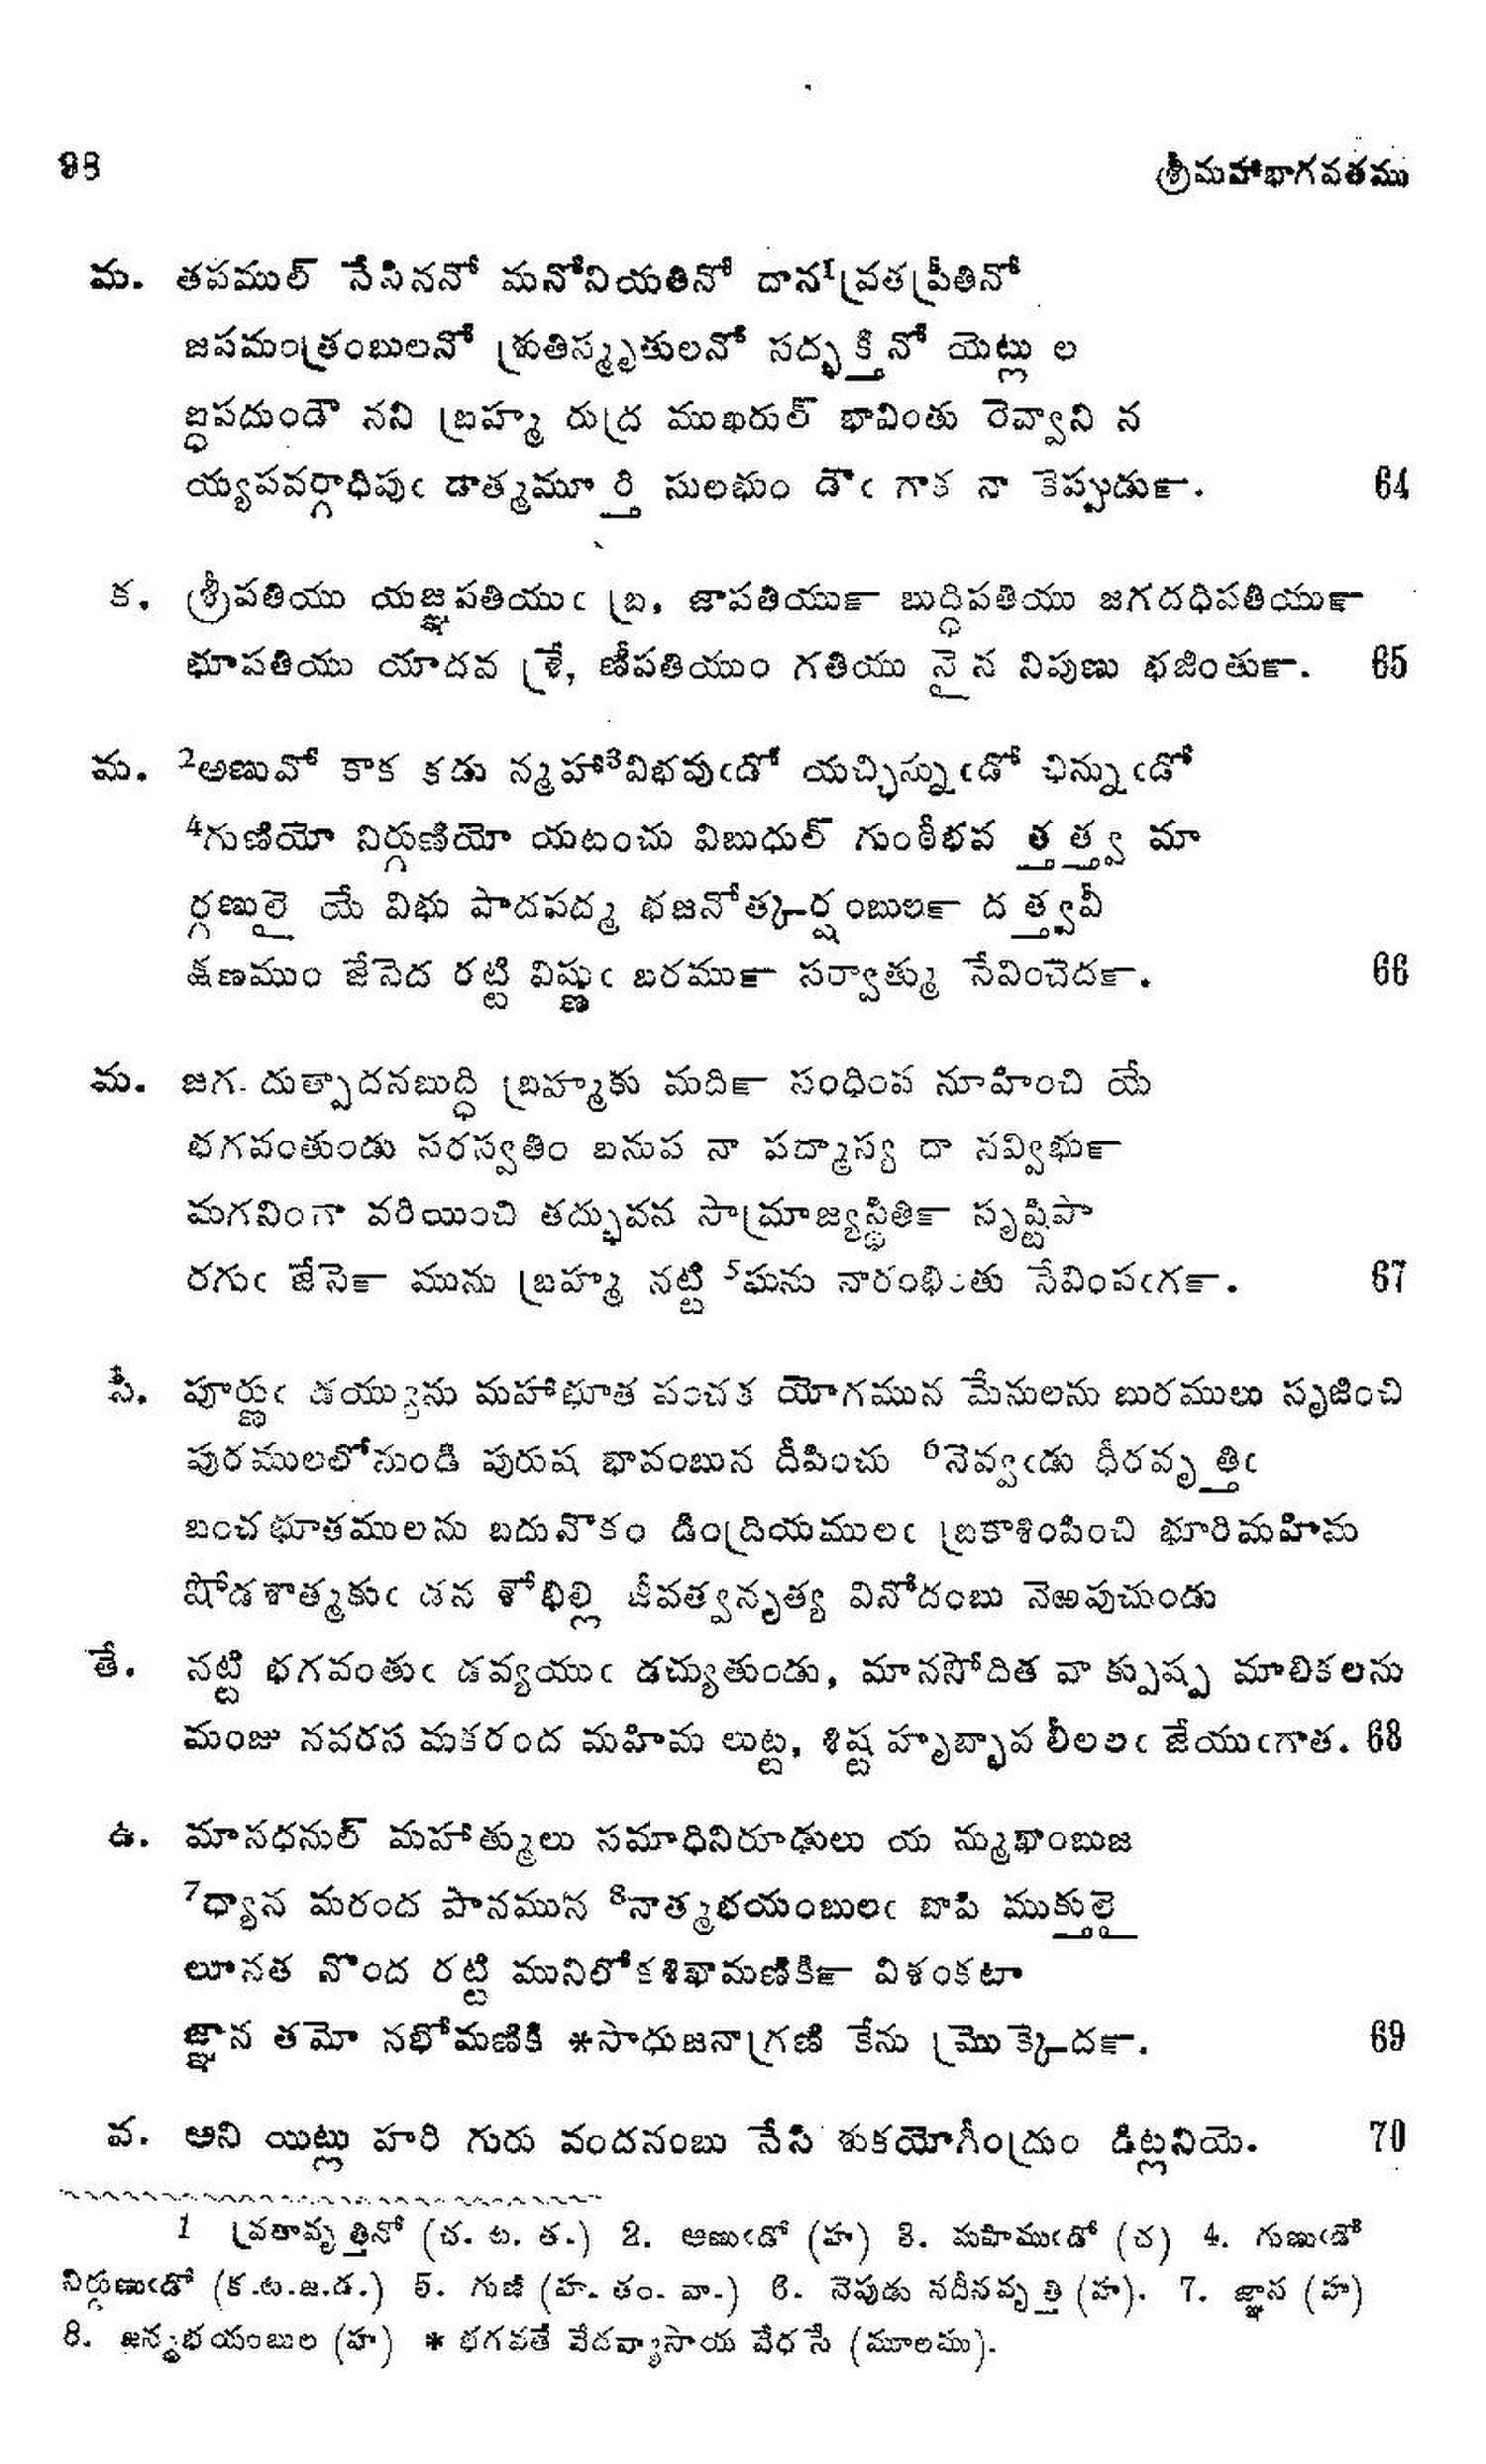98

మ. తపముల్ సేసిననో మనోనియతినో దానవ్రతప్రీతినో

జపమంత్రంబులనో శ్రుతిస్మృతులనో సద్భక్తినో యెట్లు ల

బ్ధపదుండౌ నని రుద్ర ముఖరుల్ భావంతు రెవ్వాని న

య్యపవర్గాధిపుఁ డాత్మమూర్తి సులభుం డౌఁ గాక నా కెప్పుడున్. (64)

క. శ్రీపతియు యజ్ఞపతియుఁ బ్ర, జాపతియున్ బుద్ధిపతియు జగదధిపతియున్

భూపతియు యాదవ శ్రే, ణీపతియుం గతియు నైన నిపుణు భజింతున్. (65)

మ. అణువో కాక కడు న్మహావిభవుఁడో యచ్ఛిన్నుఁడో ఛిన్నుఁడో

గుణియో నిర్గుణియో యటంచు విబుధుల్ గుంఠీభవ త్తత్త్వ మా

ర్గణులై యే విభు పాదపద్మ భజనోత్కర్షంబులన్ దత్త్వవీ

క్షణముం జేసెద రట్టి విష్ణుఁ బరమున్ సర్వాత్ము సేవించెదన్. (66)

మ. జగ దుత్పాదనబుద్ధి బ్రహ్మకు మదిన్ సంధింప నూహించి యే

భగవంతుండు సరస్వతిం బనుప నా పద్మాస్య దా నవ్విభున్

మగనింగా వరియించి తద్భువన సామ్రాజ్యస్థితిన్ సృష్టిపా

రగుఁ జేసెన్ మును బ్రహ్మ నట్టి ఘను నారంభింతు సేవింపఁగన్. (67)

సీ. పూర్ణుఁ డయ్యును మహాభూత పంచక యోగమున మేనులను బురములు సృజించి

పురములలోనుండి పురుష భావంబున దీపించు నెవ్వఁడు ధీరవృత్తిఁ

బంచభూతములను బదునొకం డింద్రియములఁ బ్రకాశింపించి భూరిమహిమ

షోడశాత్మకుఁ డన శోభిల్లి జీవత్వనృత్య వినోదంబు నెఱుపుచుండు

తే. నట్టి భగవంతుఁ డవ్యయుఁ డచ్యుతుండు, మానసోదిత వాక్పుష్ప మాలికలను

మంజు నవరస మకరంద మహిమ లుట్ట, శిష్ట హృద్భావలీలలఁజేయుగాత. (68)

ఉ. మానధనుల్ మహాత్ములు సమాధినిరూఢులు యన్ముఖాంబుజ

ధ్యాన మరంద పానమున నాత్మభయంబులఁ బాపి ముక్తులై

లూనత నొందు రట్టి మునిలోక శిఖామణికిన్ విశంకటా

జ్ఞాన తమో నభోమణికి సాధుజనాగ్రణి కేను మ్రొక్కెదన్. (69)

వ. అని యిట్లు హరి వందనంబు సేసి శుకయోగీంద్రుం డిట్లనియె. (70)